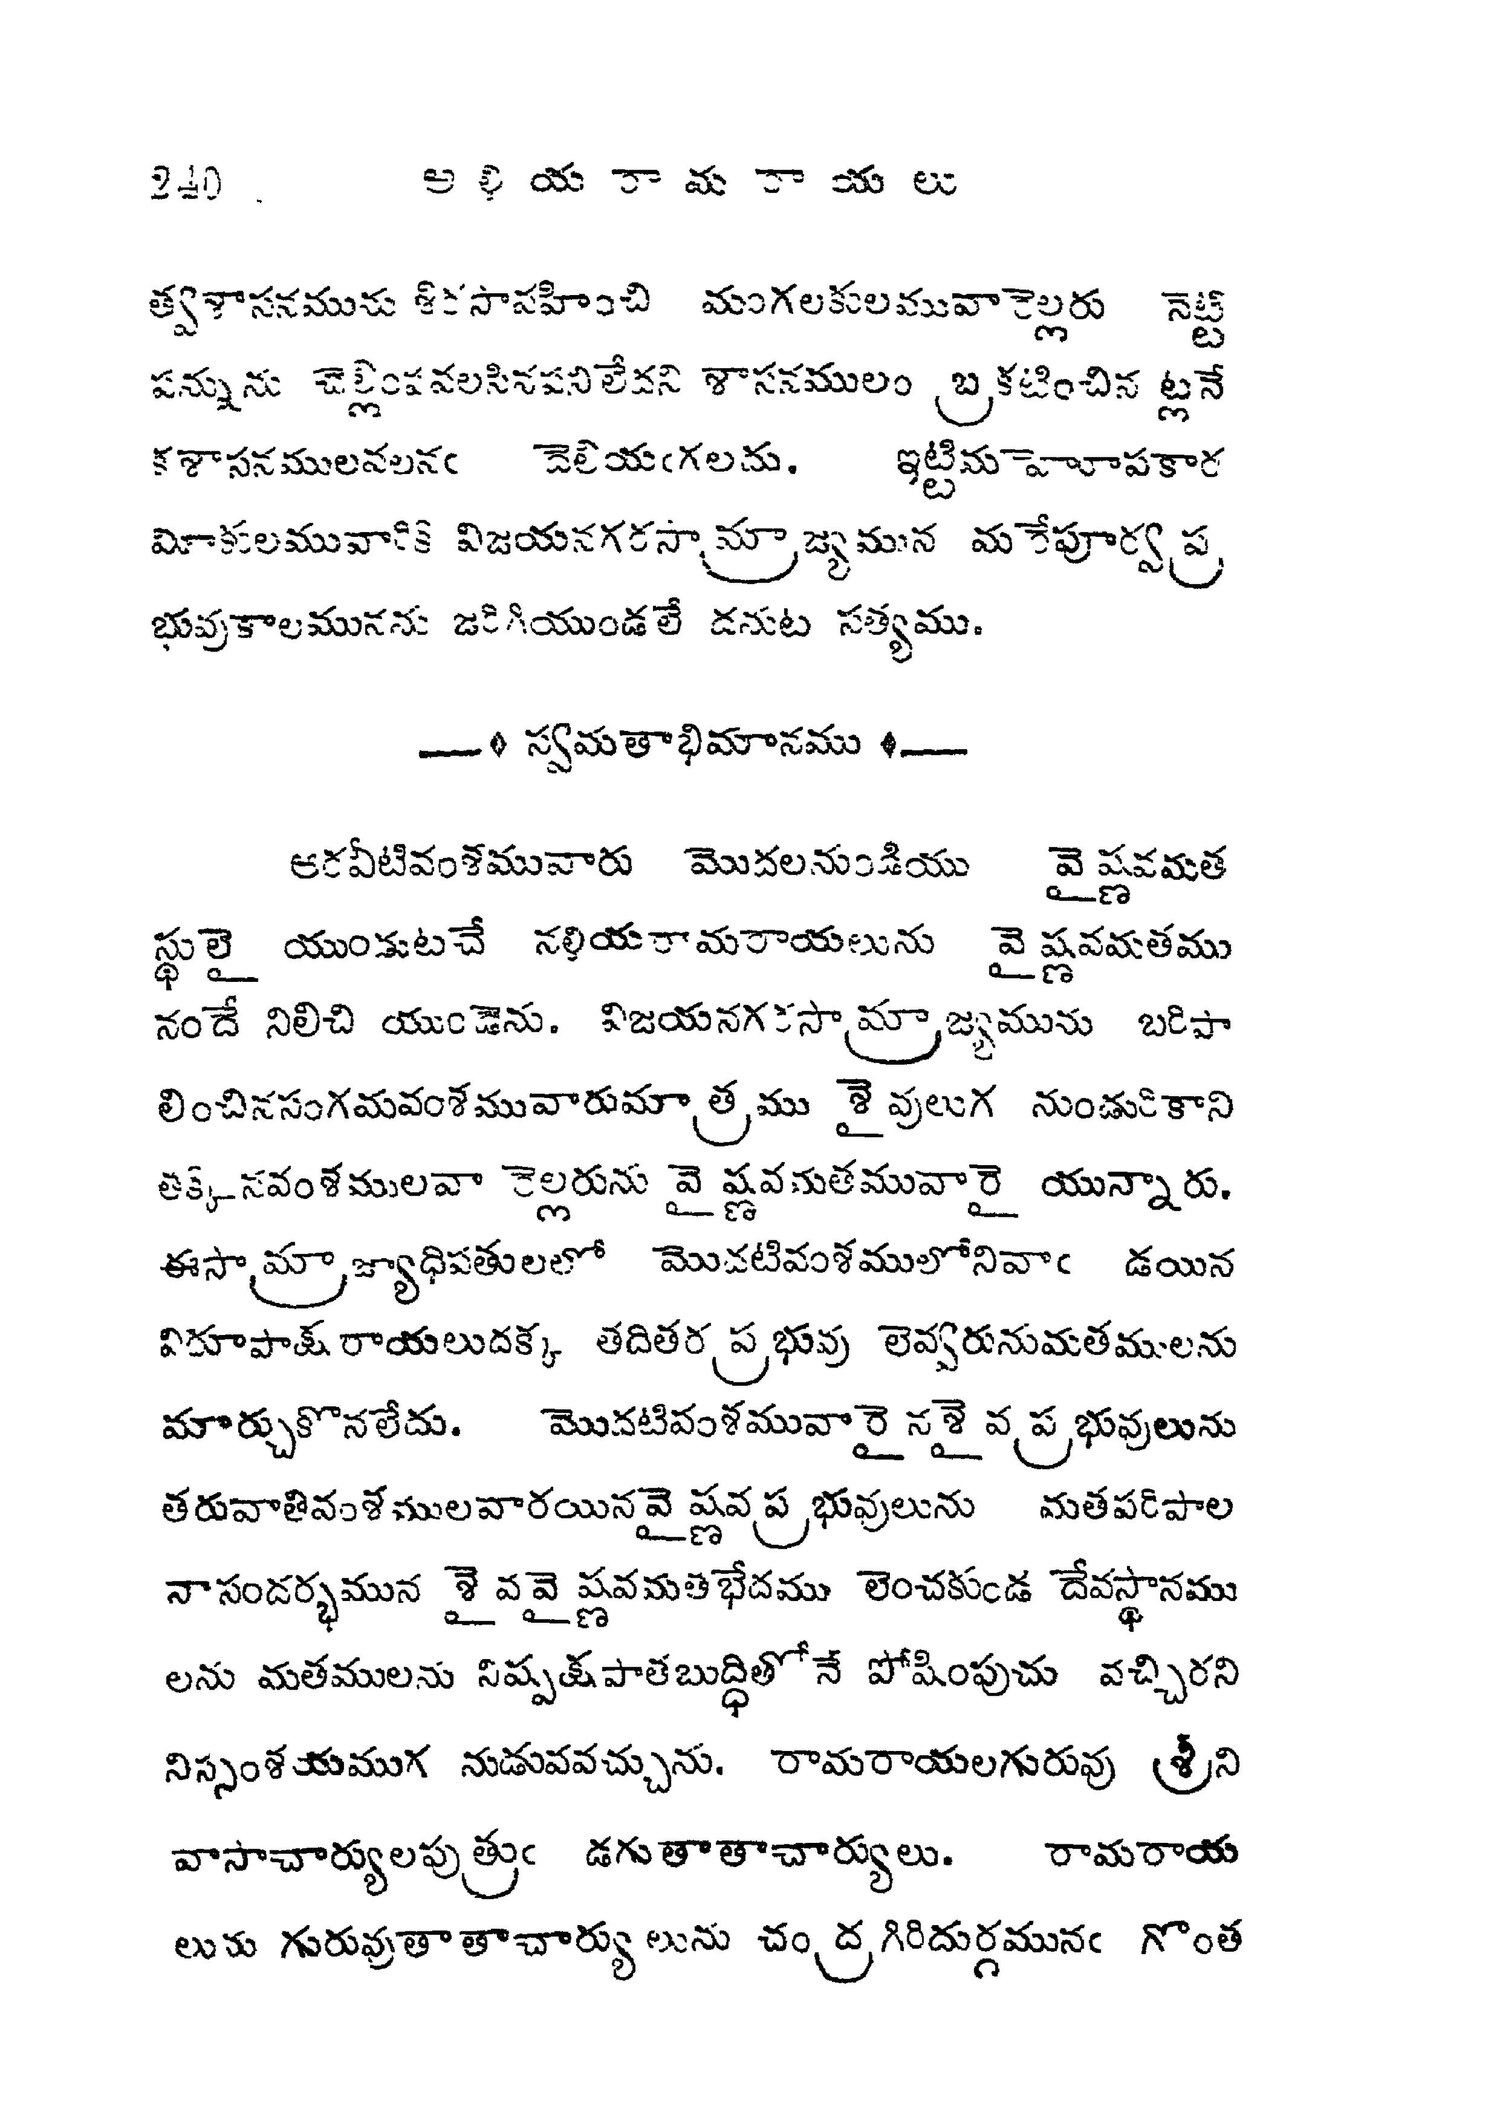త్వశాసనమును శిరసావహించి మంగలకులమువారెల్లరు నెట్టిపన్నును చెల్లింపవలసినపనిలేదని శాసనములం బ్రకటించిన ట్లనేకశాసనములవలన దెలియగలదు. ఇట్టిమహోపకార మీకులమువారికి విజయనగరసామ్రాజ్యమున మరేపూర్వప్రభువుకాలమునను జరిగియుండలే దనుట సత్యము.

ఆరవీటివంశమువారు మొదలనుండియు వైష్ణవమతస్థులై యుండుటచే నళియరామరాయలును వైష్ణవ మతమునందే నిలిచి యుండెను. విజయనగరసామ్రాజ్యమును బరిపాలించిన సంగమవంశము వారుమాత్రము శైవులుగ నుండురికాని తక్కినవంశములవా రెల్లరును వైష్ణవమతమువారై యున్నారు. ఈసామ్రాజ్యాధిపతులలో మొదటివంశములోనివా డయిన విరూపాక్షరాయలుదక్క తదితరప్రభువు లెవ్వరునుమతములను మార్చుకొనలేదు. మొదటివంశమువారైన శైవప్రభువులును తరువాతి వంశములవారయిన వైష్ణవప్రభువులును మతపరిపాలనాసందర్భమున శైవవైష్ణవమతభేదము లెంచకుండ దేవస్థానములను మతములను నిష్పక్షపాతబుద్దితోనే పోషింపుచు వచ్చిరని నిస్సంశయముగ నుడువవచ్చును. రామరాయలగురువు శ్రీనివాసాచార్యులపుత్రు డగుతాతాచార్యులు. రామరాయలును గురువుతాతాచార్యులును చంద్రగిరిదుర్గమున గొంత